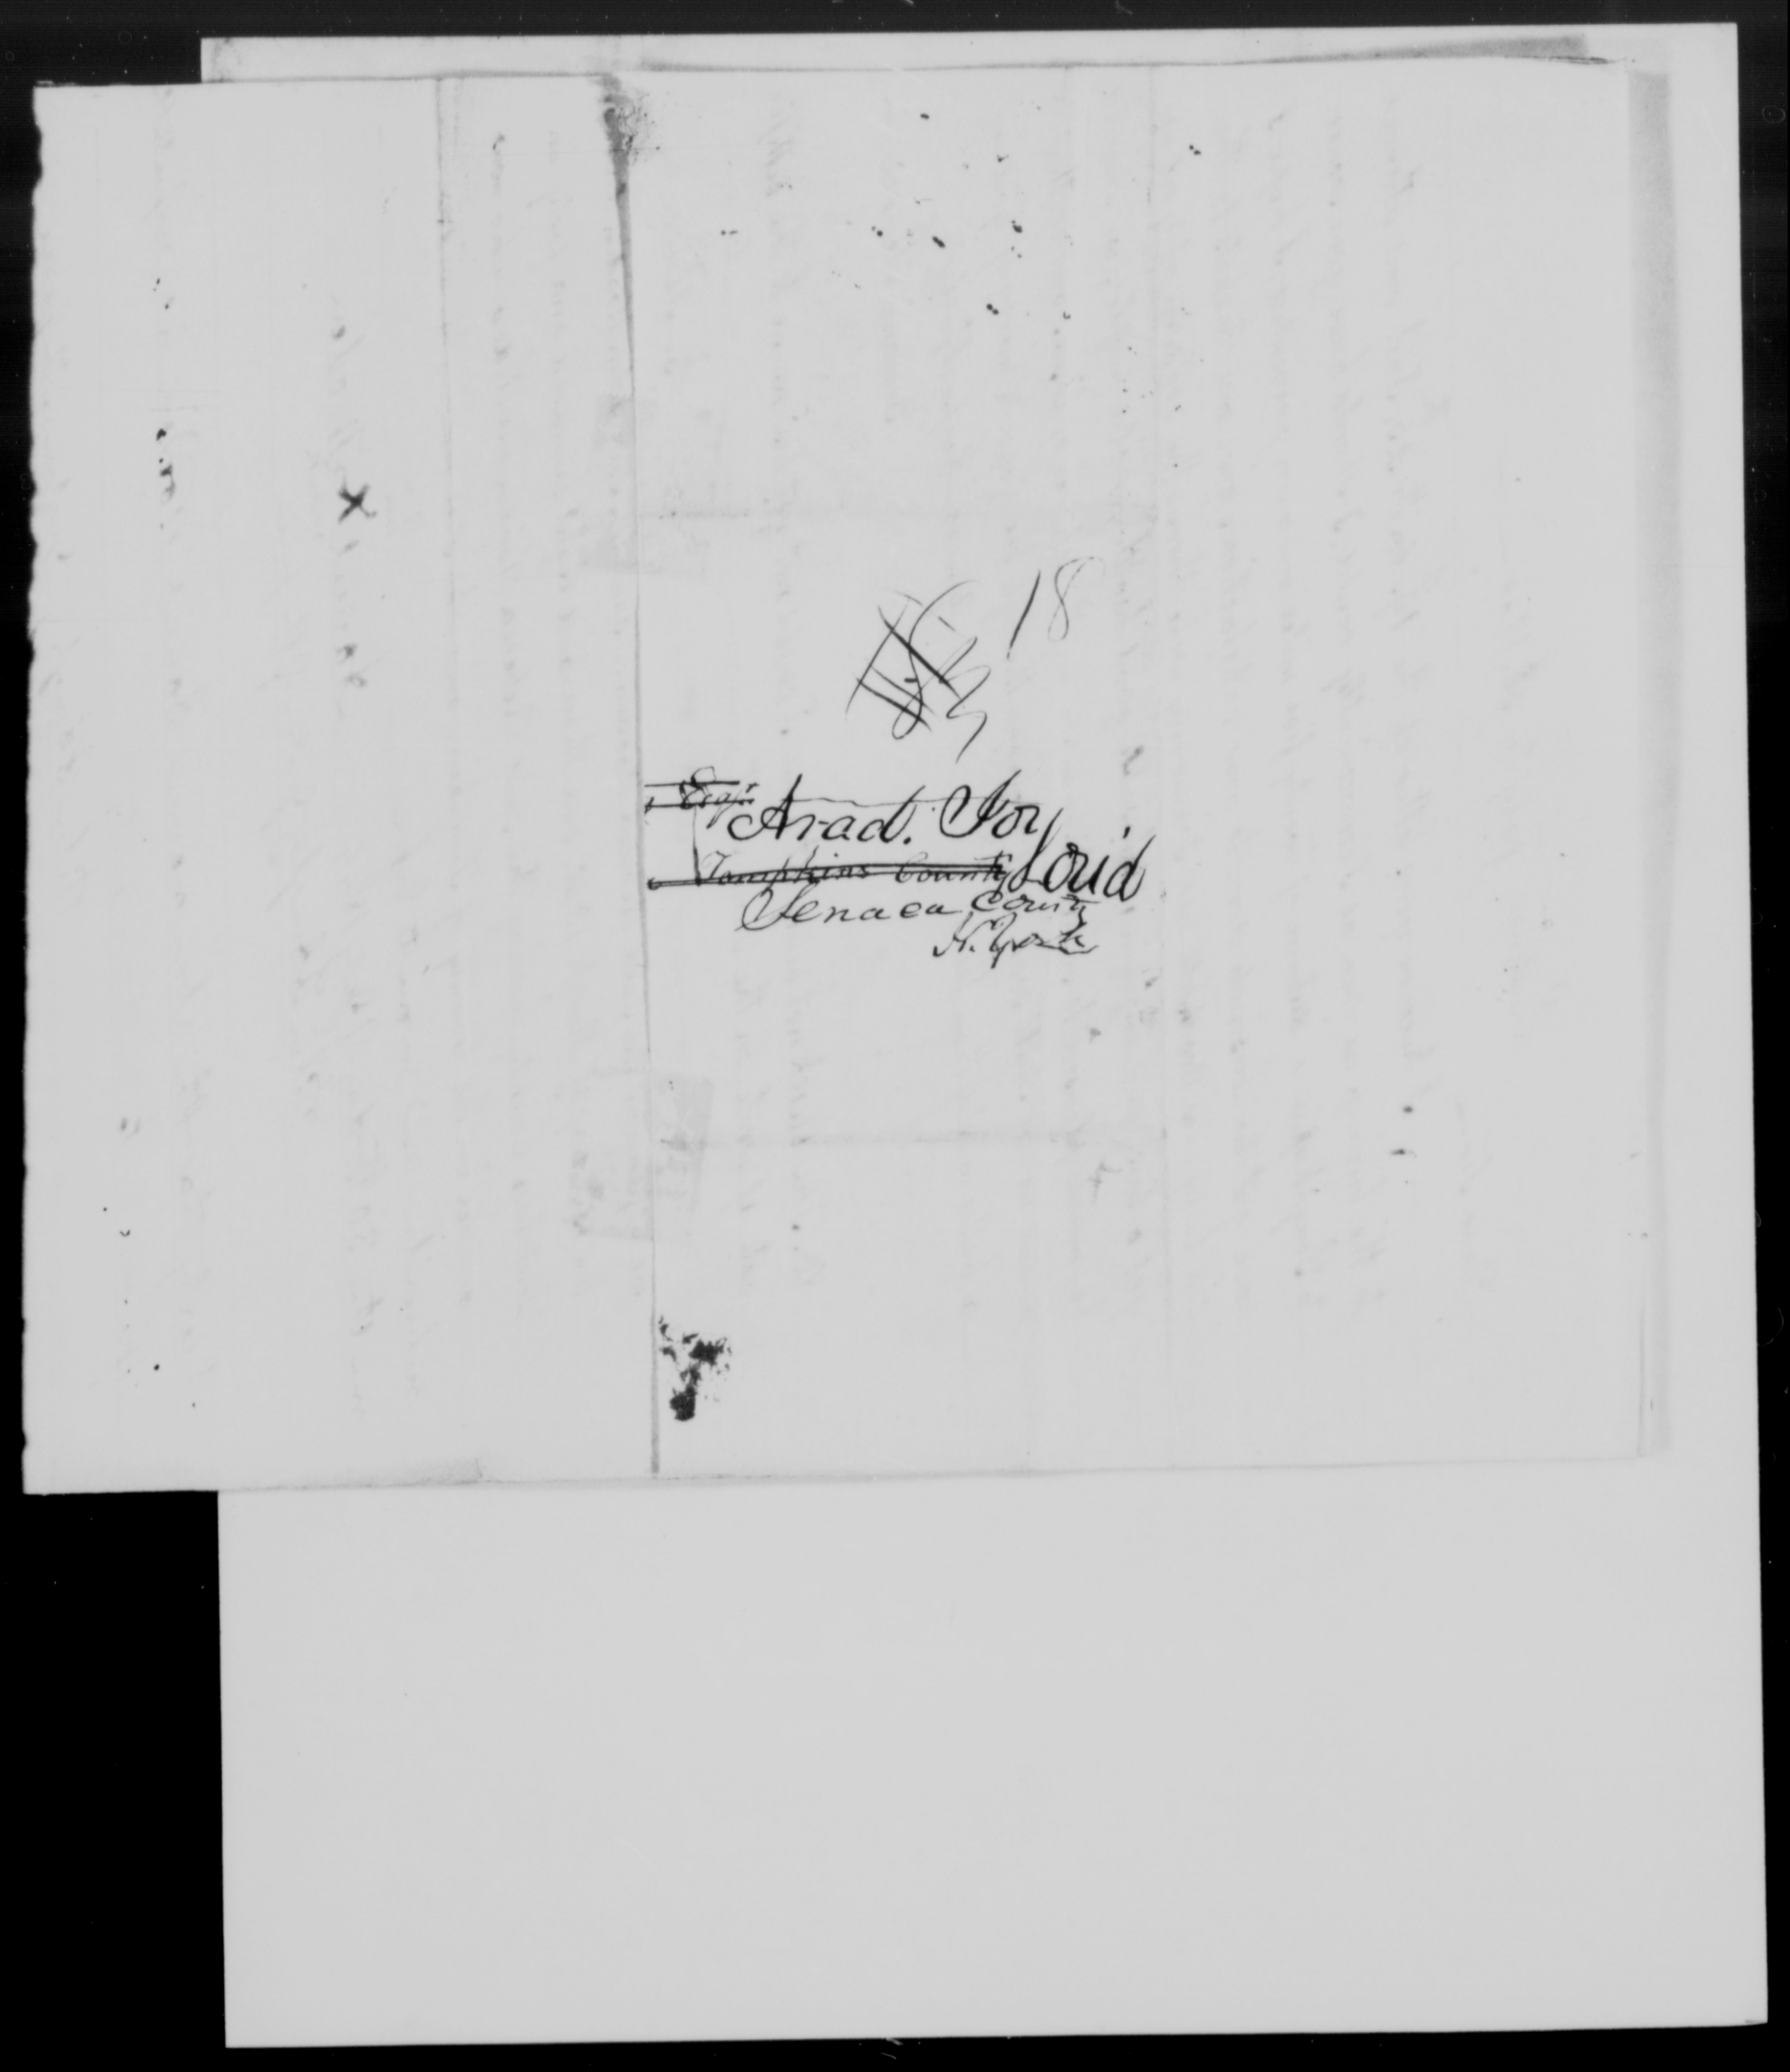[Esq., crossed out]
Arad. For [illegible]
[Tompkins County, crossed out]
Senaca County
N. York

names: Arad Joy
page: 22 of 77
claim: widow's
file: W. 19658, John Woodin, New York